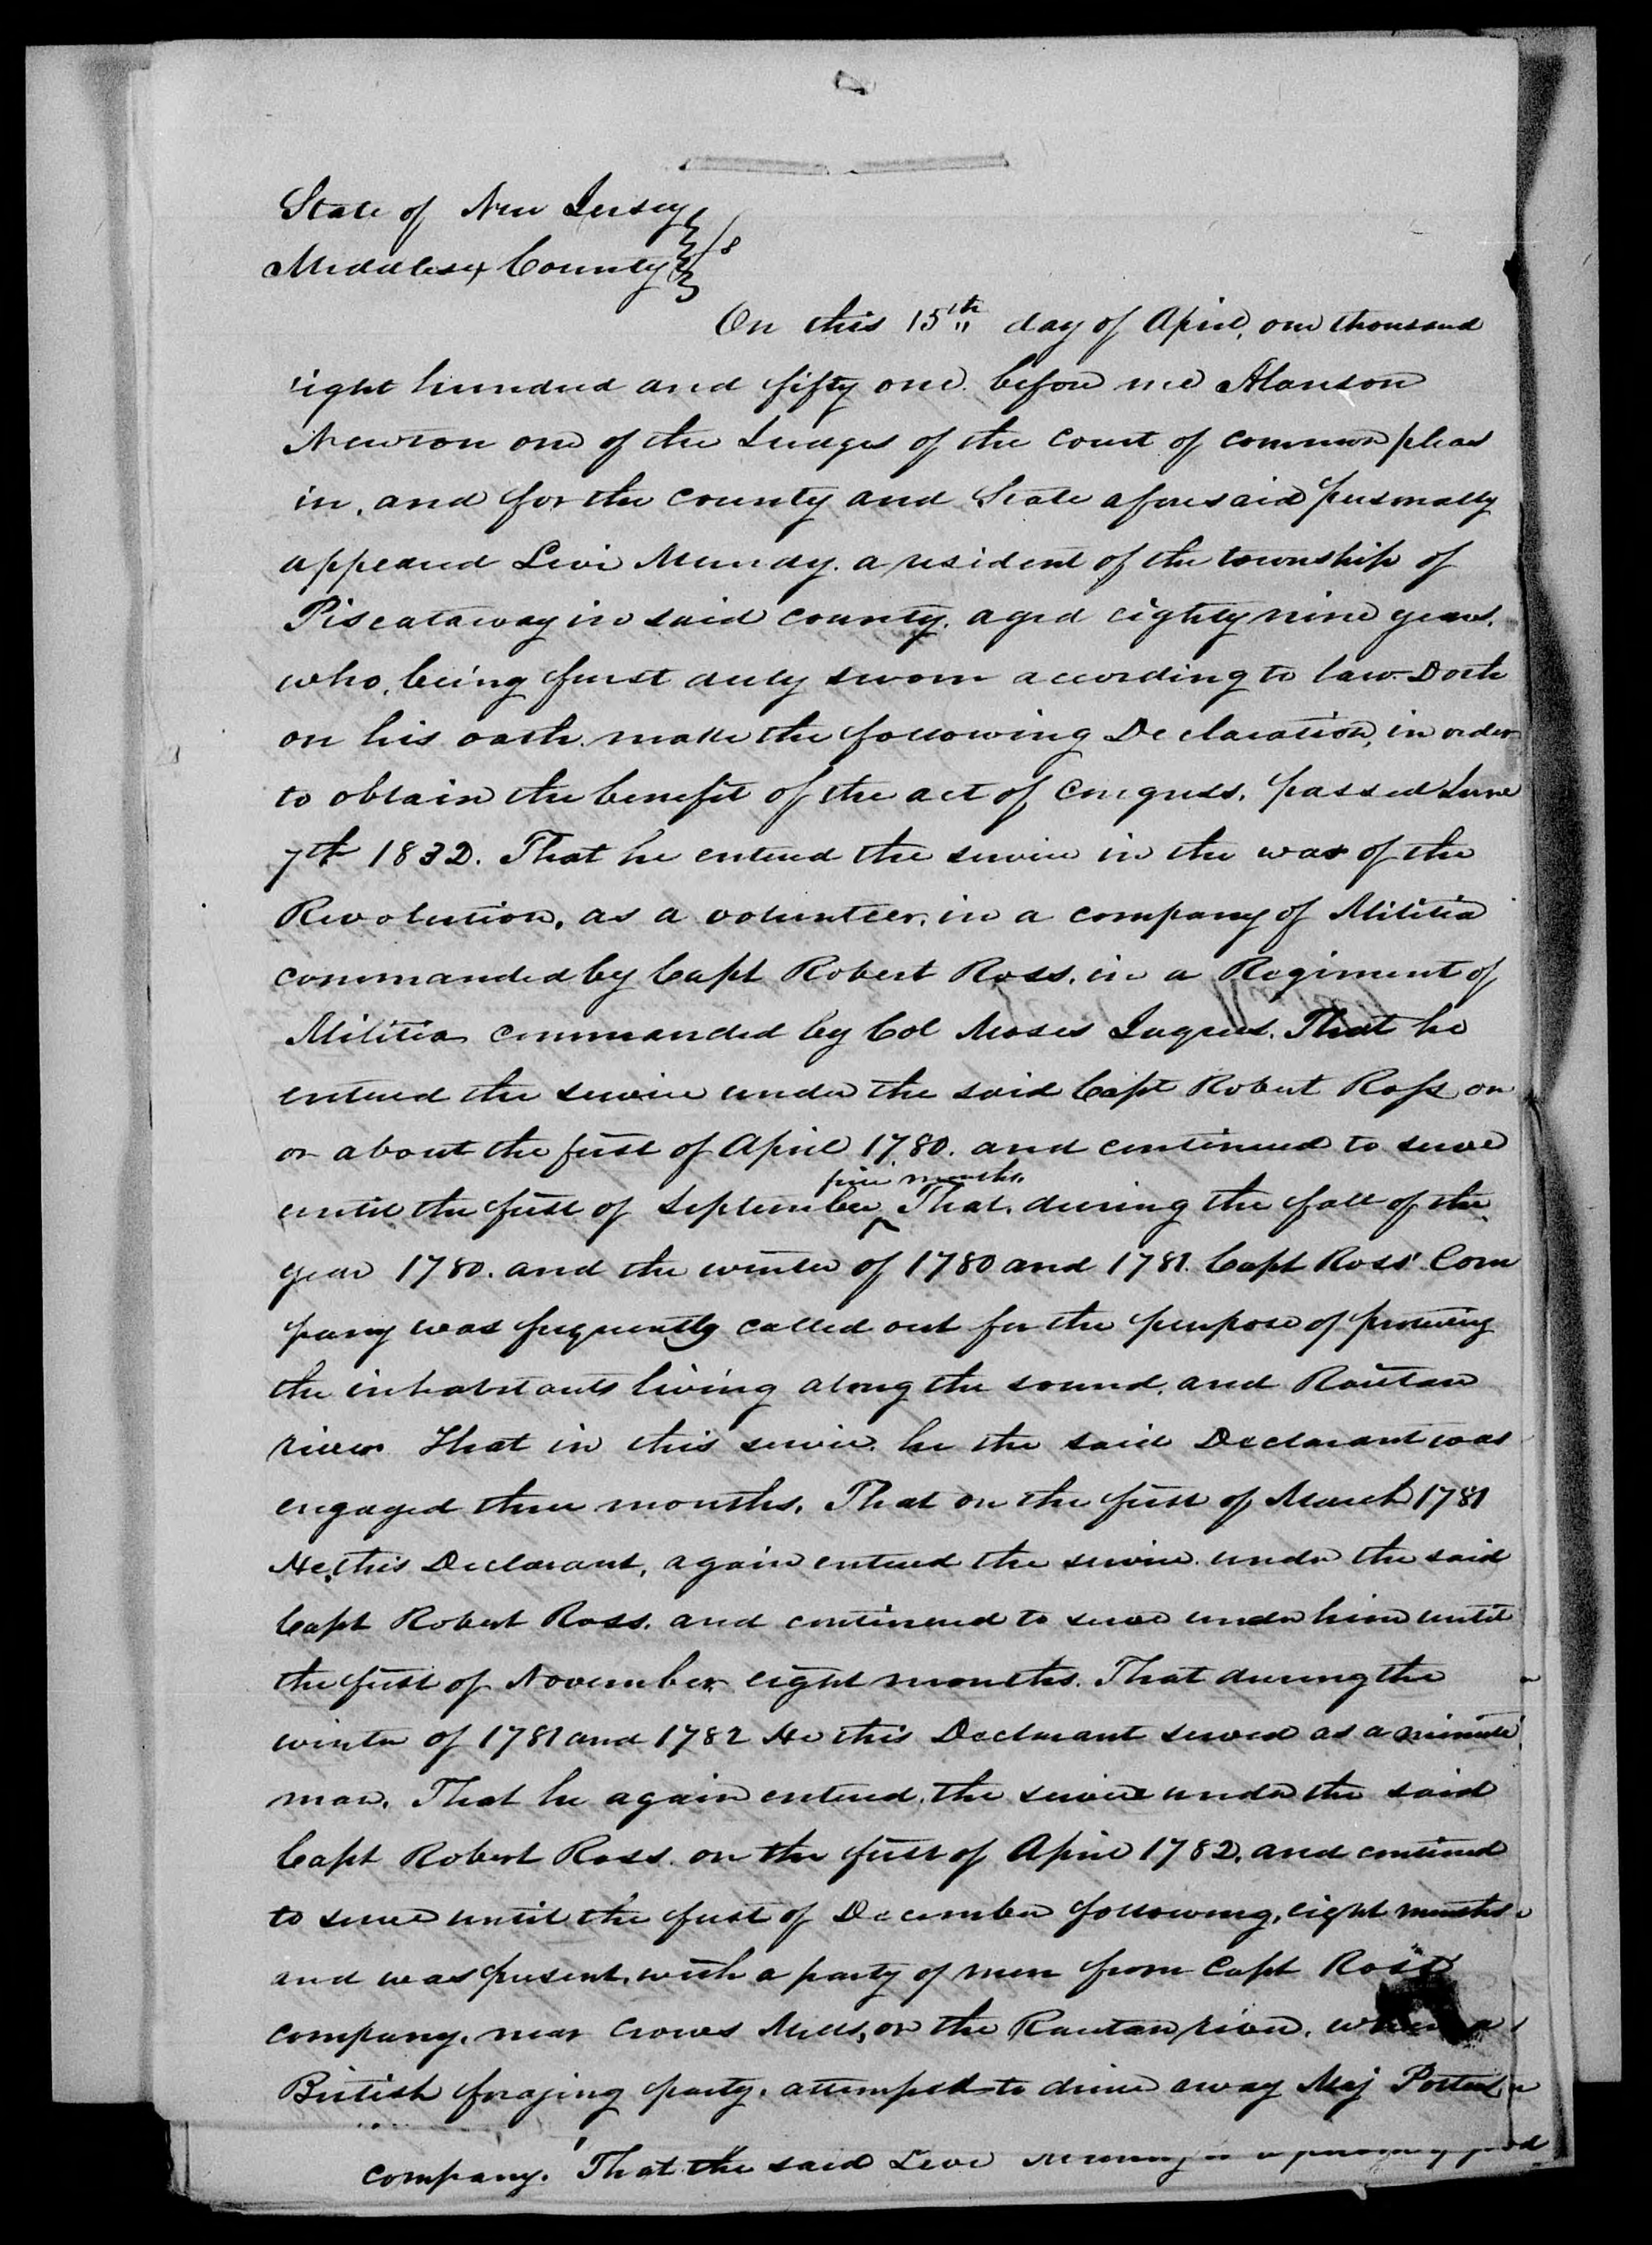State of New Jersey
Middlesex County//

On this 15th day of April One Thousand Eight Hundred and Fifty one before me, Alanson Newton, one of the Judges of the Court of Common Pleas in and for the County and State aforesaid, personally appeared Levi Mundy, a resident of the Township of Piscataway in said County, aged Eighty nine years, who being first duly sworn according to law doth on his oath make the following declaration in order to obtain the benefit of the Act of Congress, passed June 7th 1832. That he entered the service in the war of the Revolution as a volunteer in a company of Militia, commanded by Capt. Robert Ross in a Regiment of Militia commanded by Col Moses Jacques. That he entered the service under the said Capt. Robert Ross on or about the first of April 1780 and continued to serve until the first of September, five months. That during the fall of the year 1780 and the winter of 1780 and 1781, Capt. Ross' Company was frequently called out for the purpose of protecting the inhabitants living along the sound and Raritan River. That in this service he, the said declarant, was engaged three months. That on the first of March 1781 he, this declarant, again entered the service under the said Capt. Robert Ross and continued to serve under him until the first of November, eight months. That during the winter of 1781 and 1782 he, this declarant, served as a Minuteman. That he again entered the service under the said Capt. Robert Ross on the first of April 1782 and continued to serve until the first of December following, eight months, and was present with a party of men from Capt. Ross' Company near Crows Mills or the Raritan River, where a British foraging party attempted to drive away Maj. Porter's...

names: Robert Ross; Levi Mundy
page: 4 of 95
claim: survivor's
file: S 2889, for Levi Mundy, New Jersey